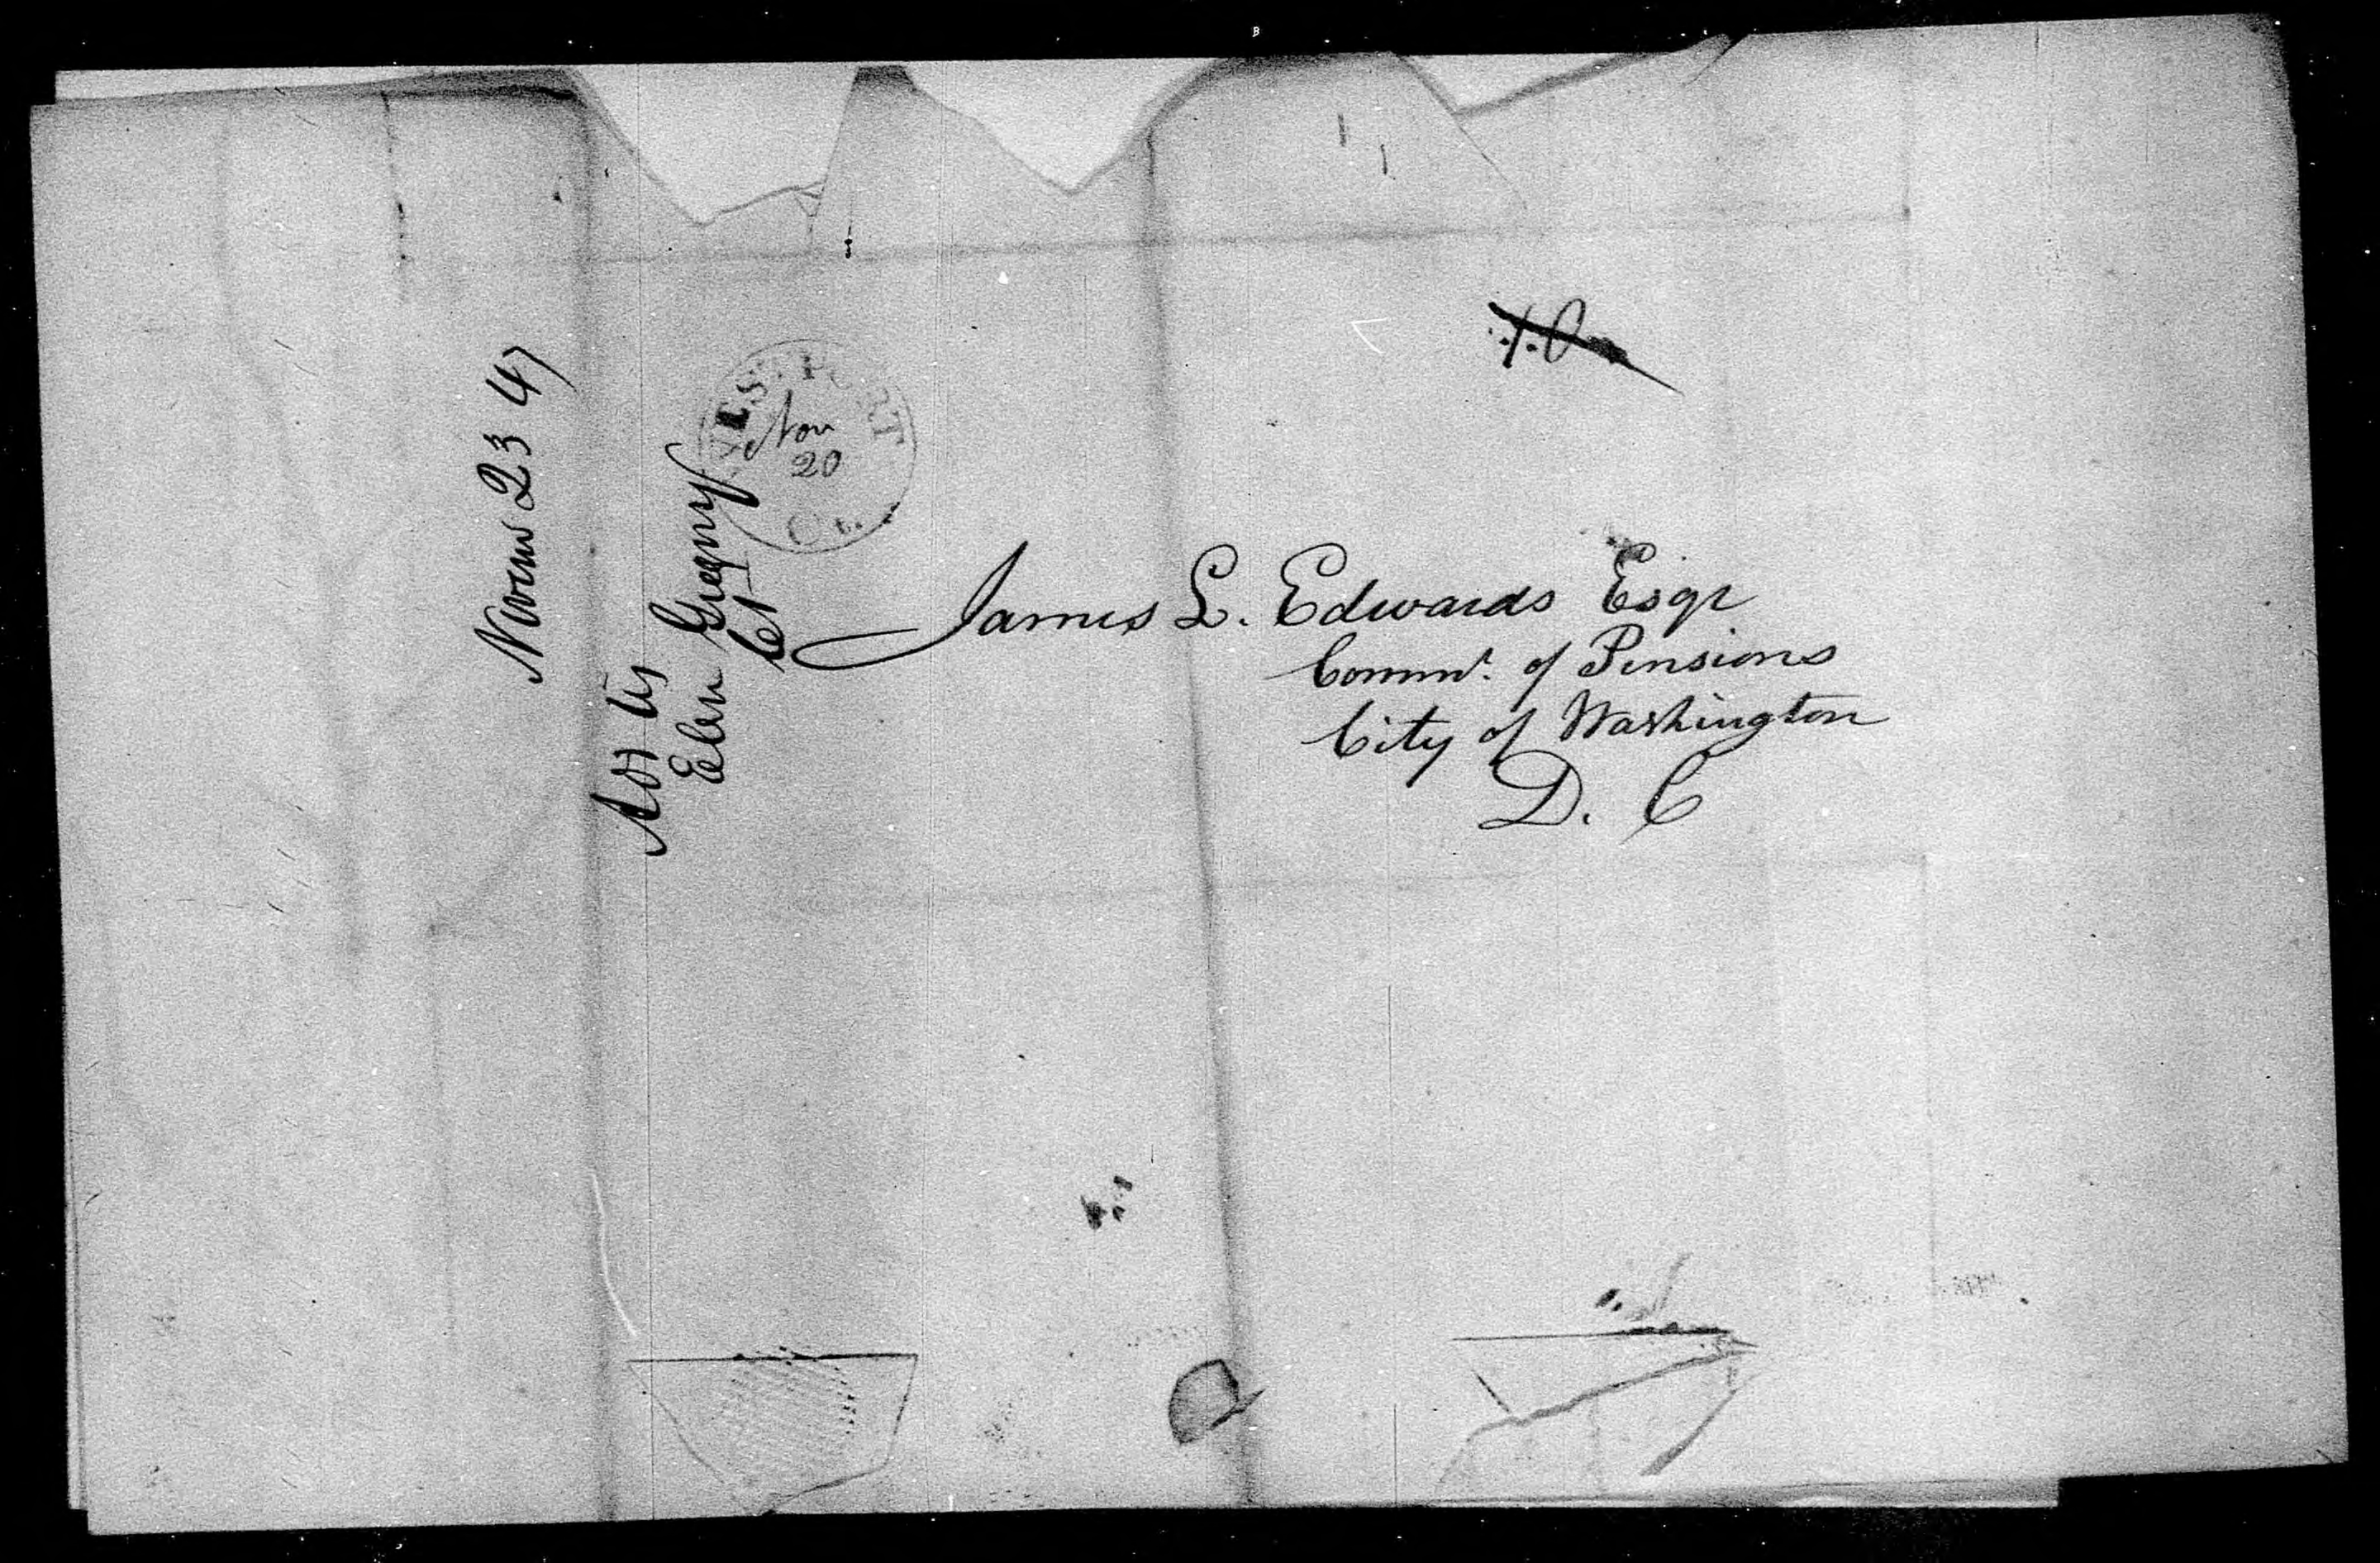Sideways text:
Novem 23 47
for ?
Ellen Gregory


James L. Edwards Esqr
Comm of Pensions
City of Washington
D. C.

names: Elen Gregory, James L Edwards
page: 47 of 49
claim: widow's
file: W 24308, Josiah Gregory, Conn.